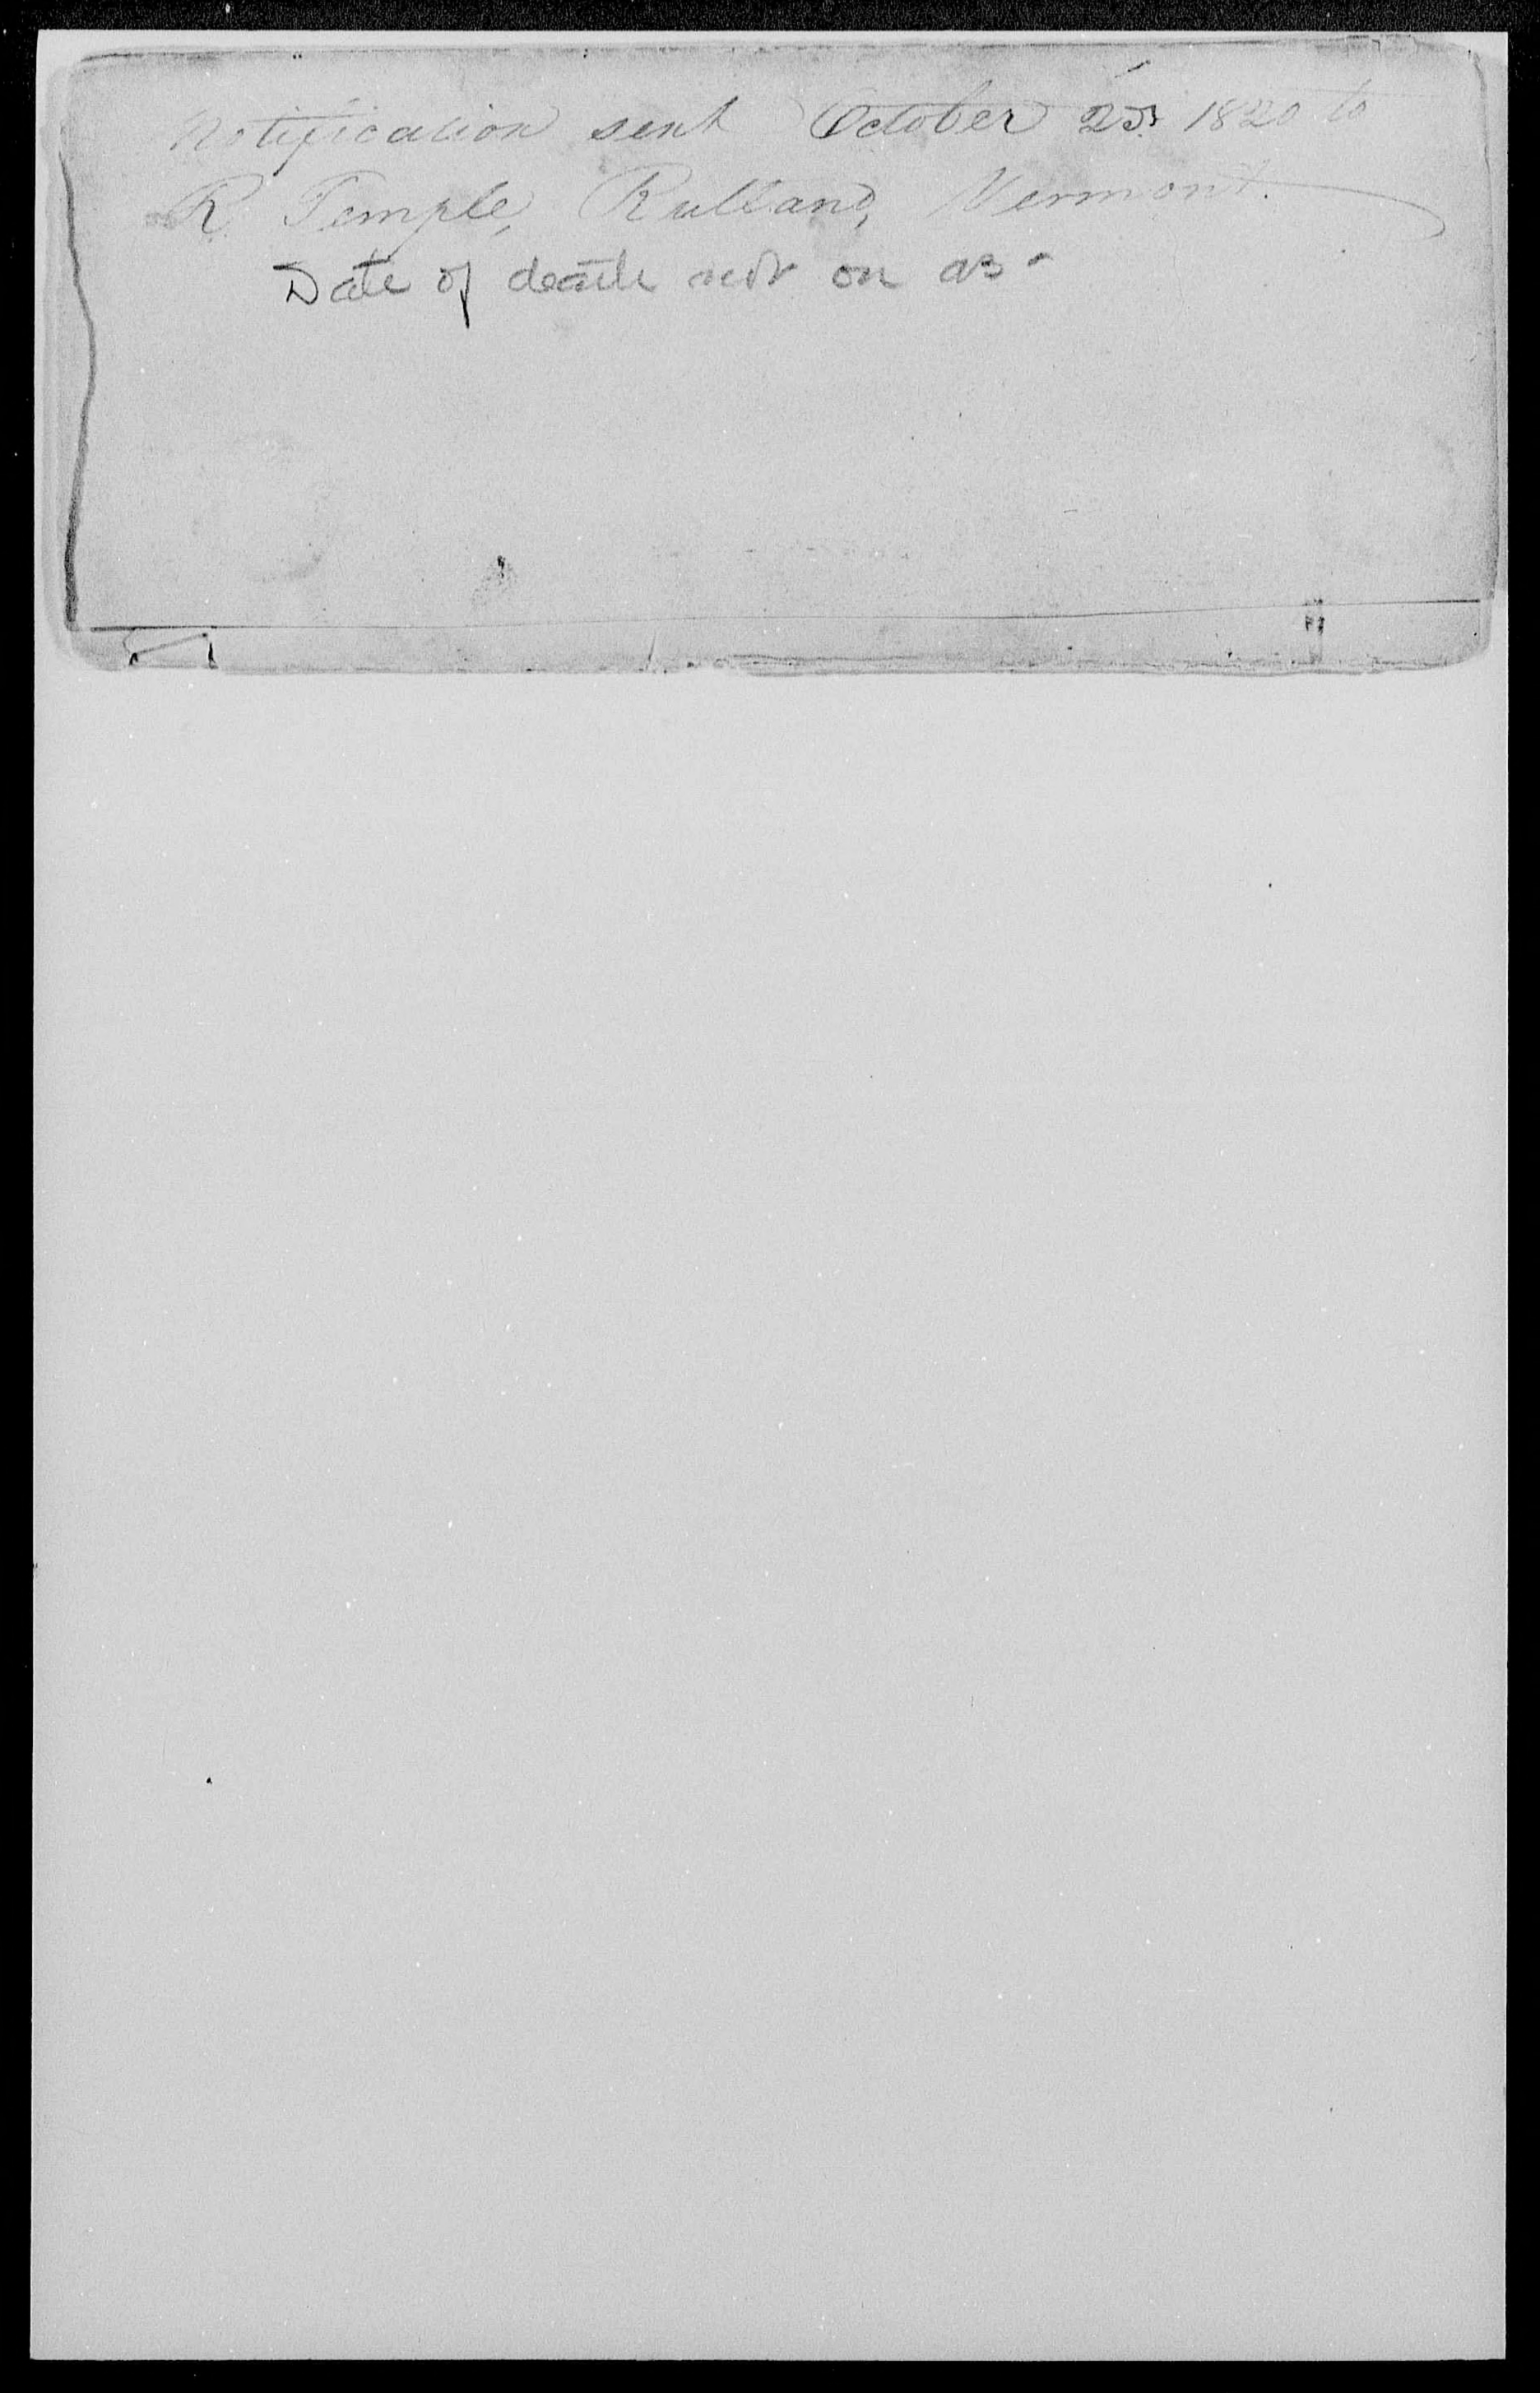Notification sent October 20 1820 to Temple Rutland Vermont Date of death not on AB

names: R Temple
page: 2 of 29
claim: survivor's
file: S 41404, Eleazer John Albee, Mass. Privateer